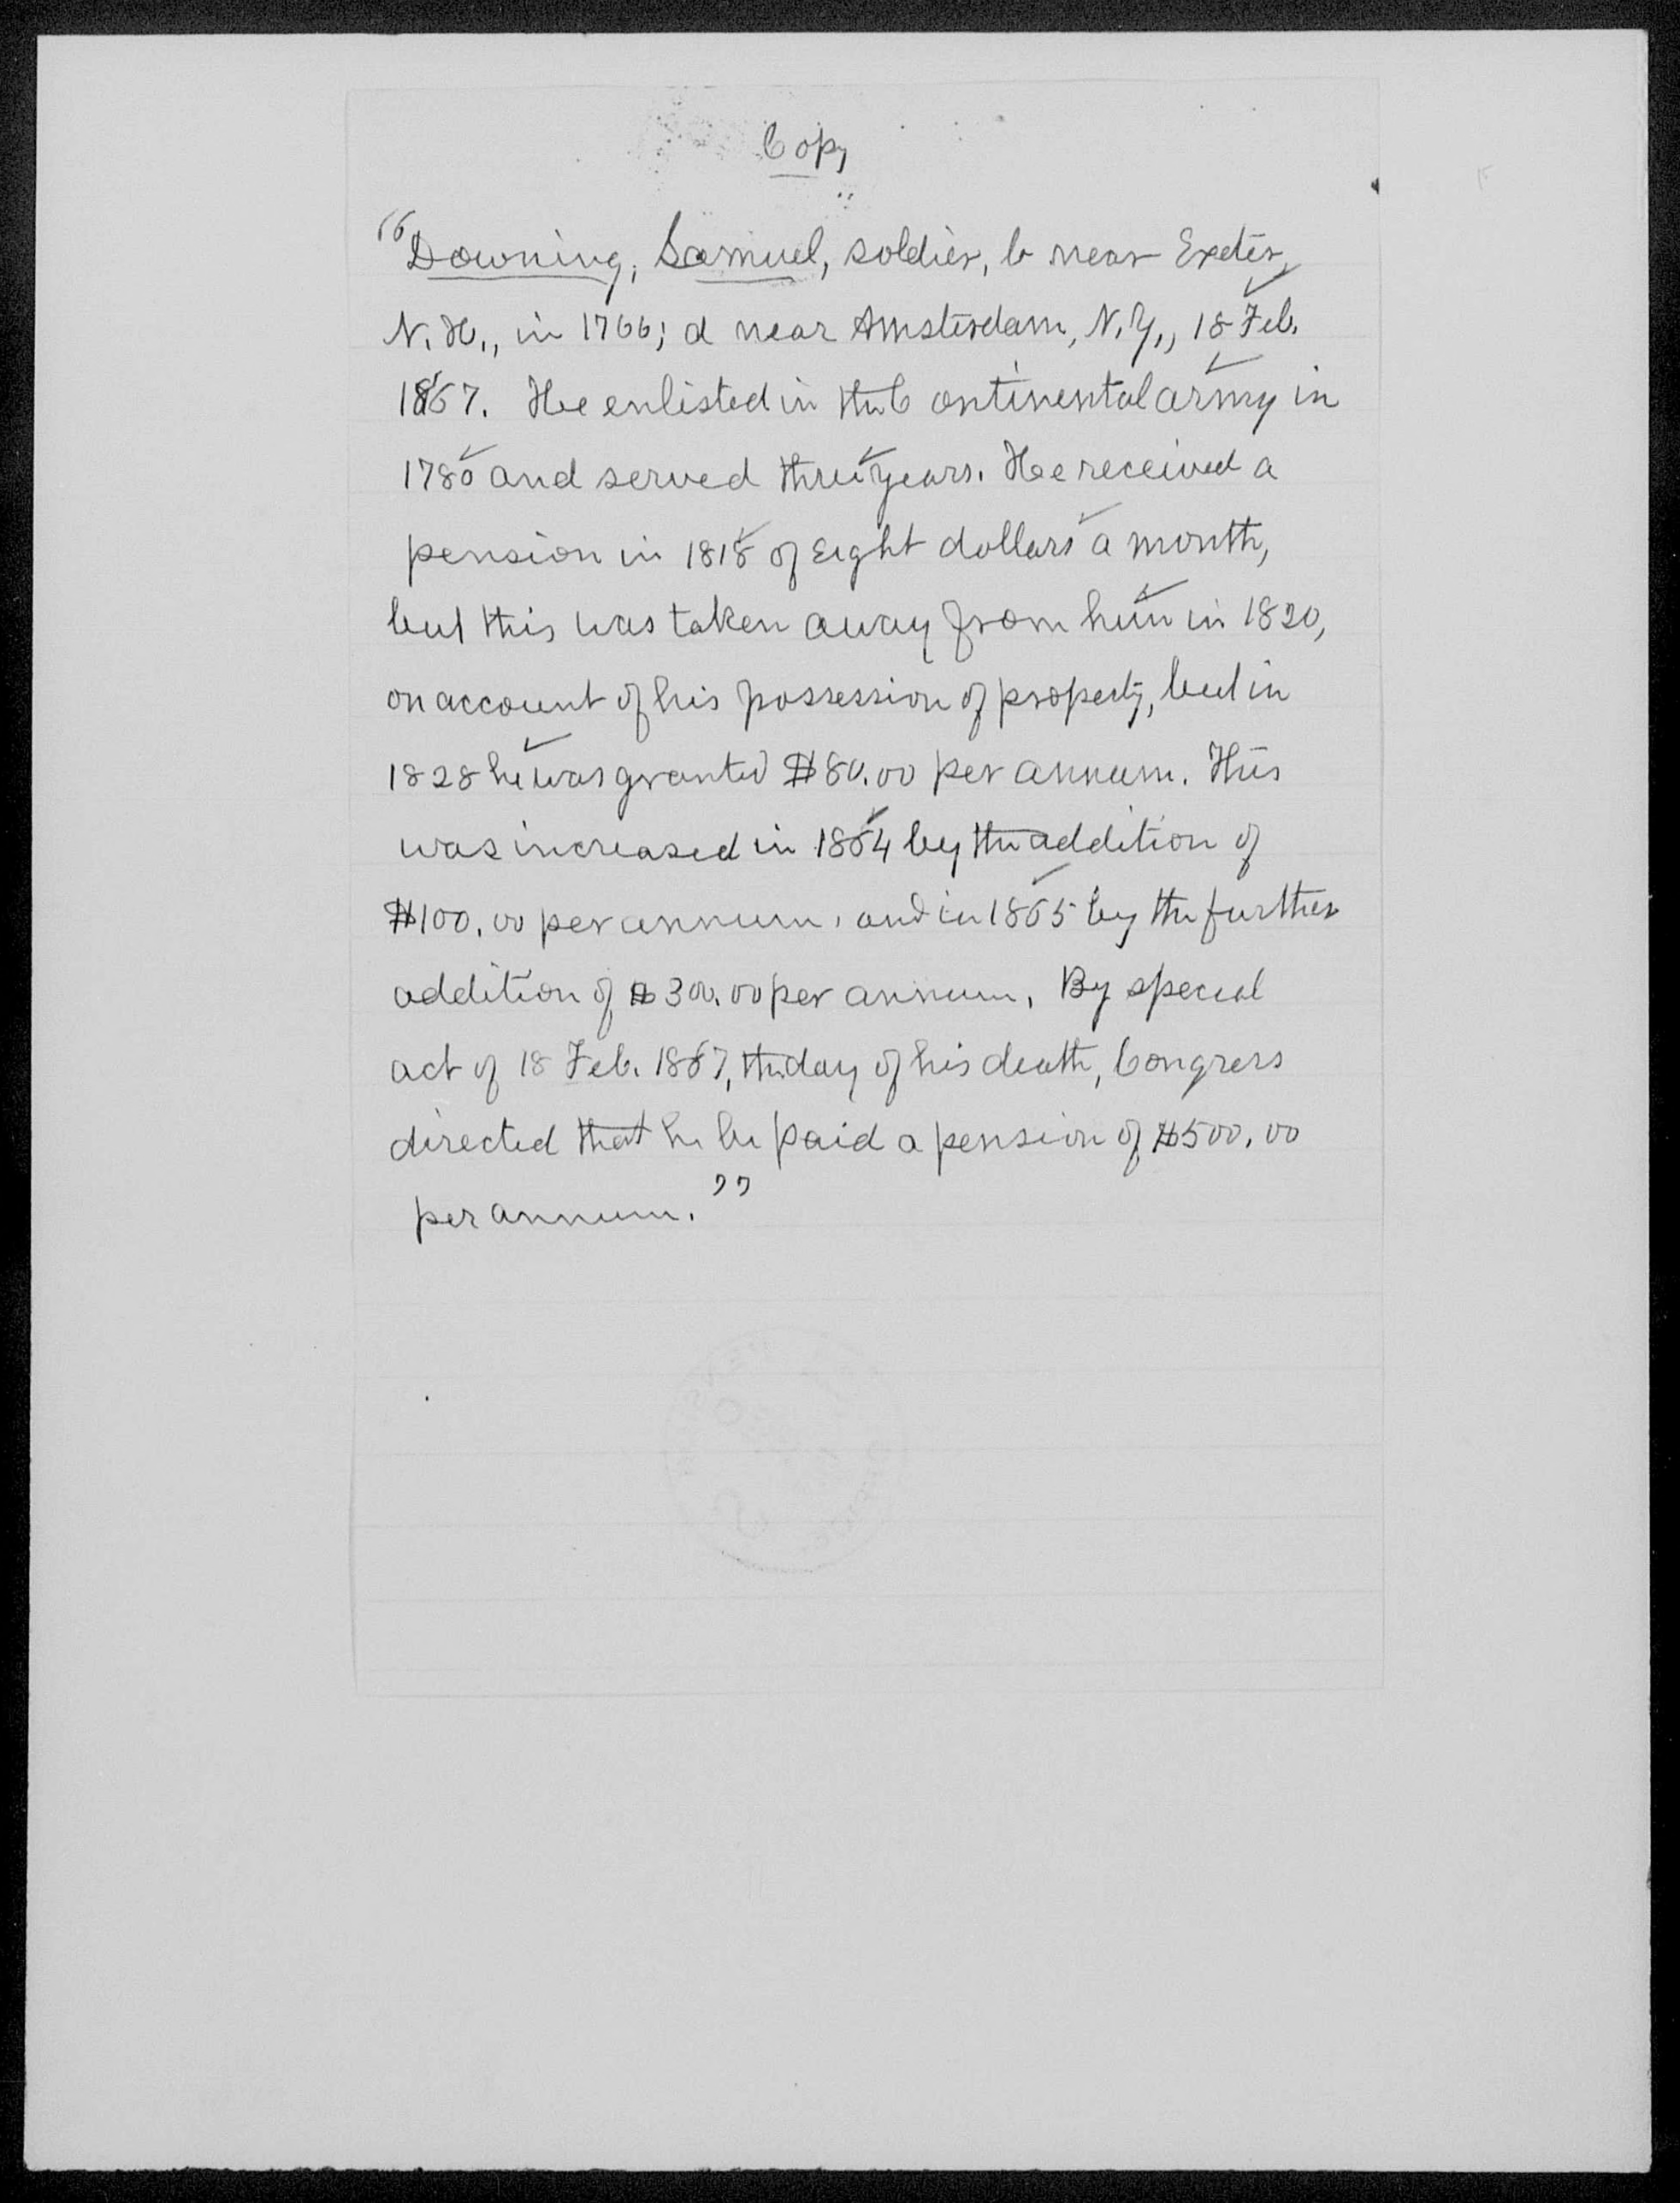Copy
“Downing, Samuel, soldier, b [born] near Exeter, N.H., in 1766; d [died] near Amsterdam N.Y., Feb. 18 Feb. 1867. He enlisted in the Continental army in 1780 and served three years. He received a pension in 1818 of eight dollars a month, but this was taken away from him in 1820, on account of his possession of property, but in 1818 he was granted $80.00 per annum. This was increased in 1864 by the addition of $100.00 per annum, and in 1865 by the further addition of $300.00 per annum. By special act of 18 Feb. 1887, the day of his death, Congress directed that he be paid a pension of $500.00 per annum.”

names: Downing, Samuel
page: 34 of 56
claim: survivor's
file: S. 40,055, Samuel Downing, N.H.